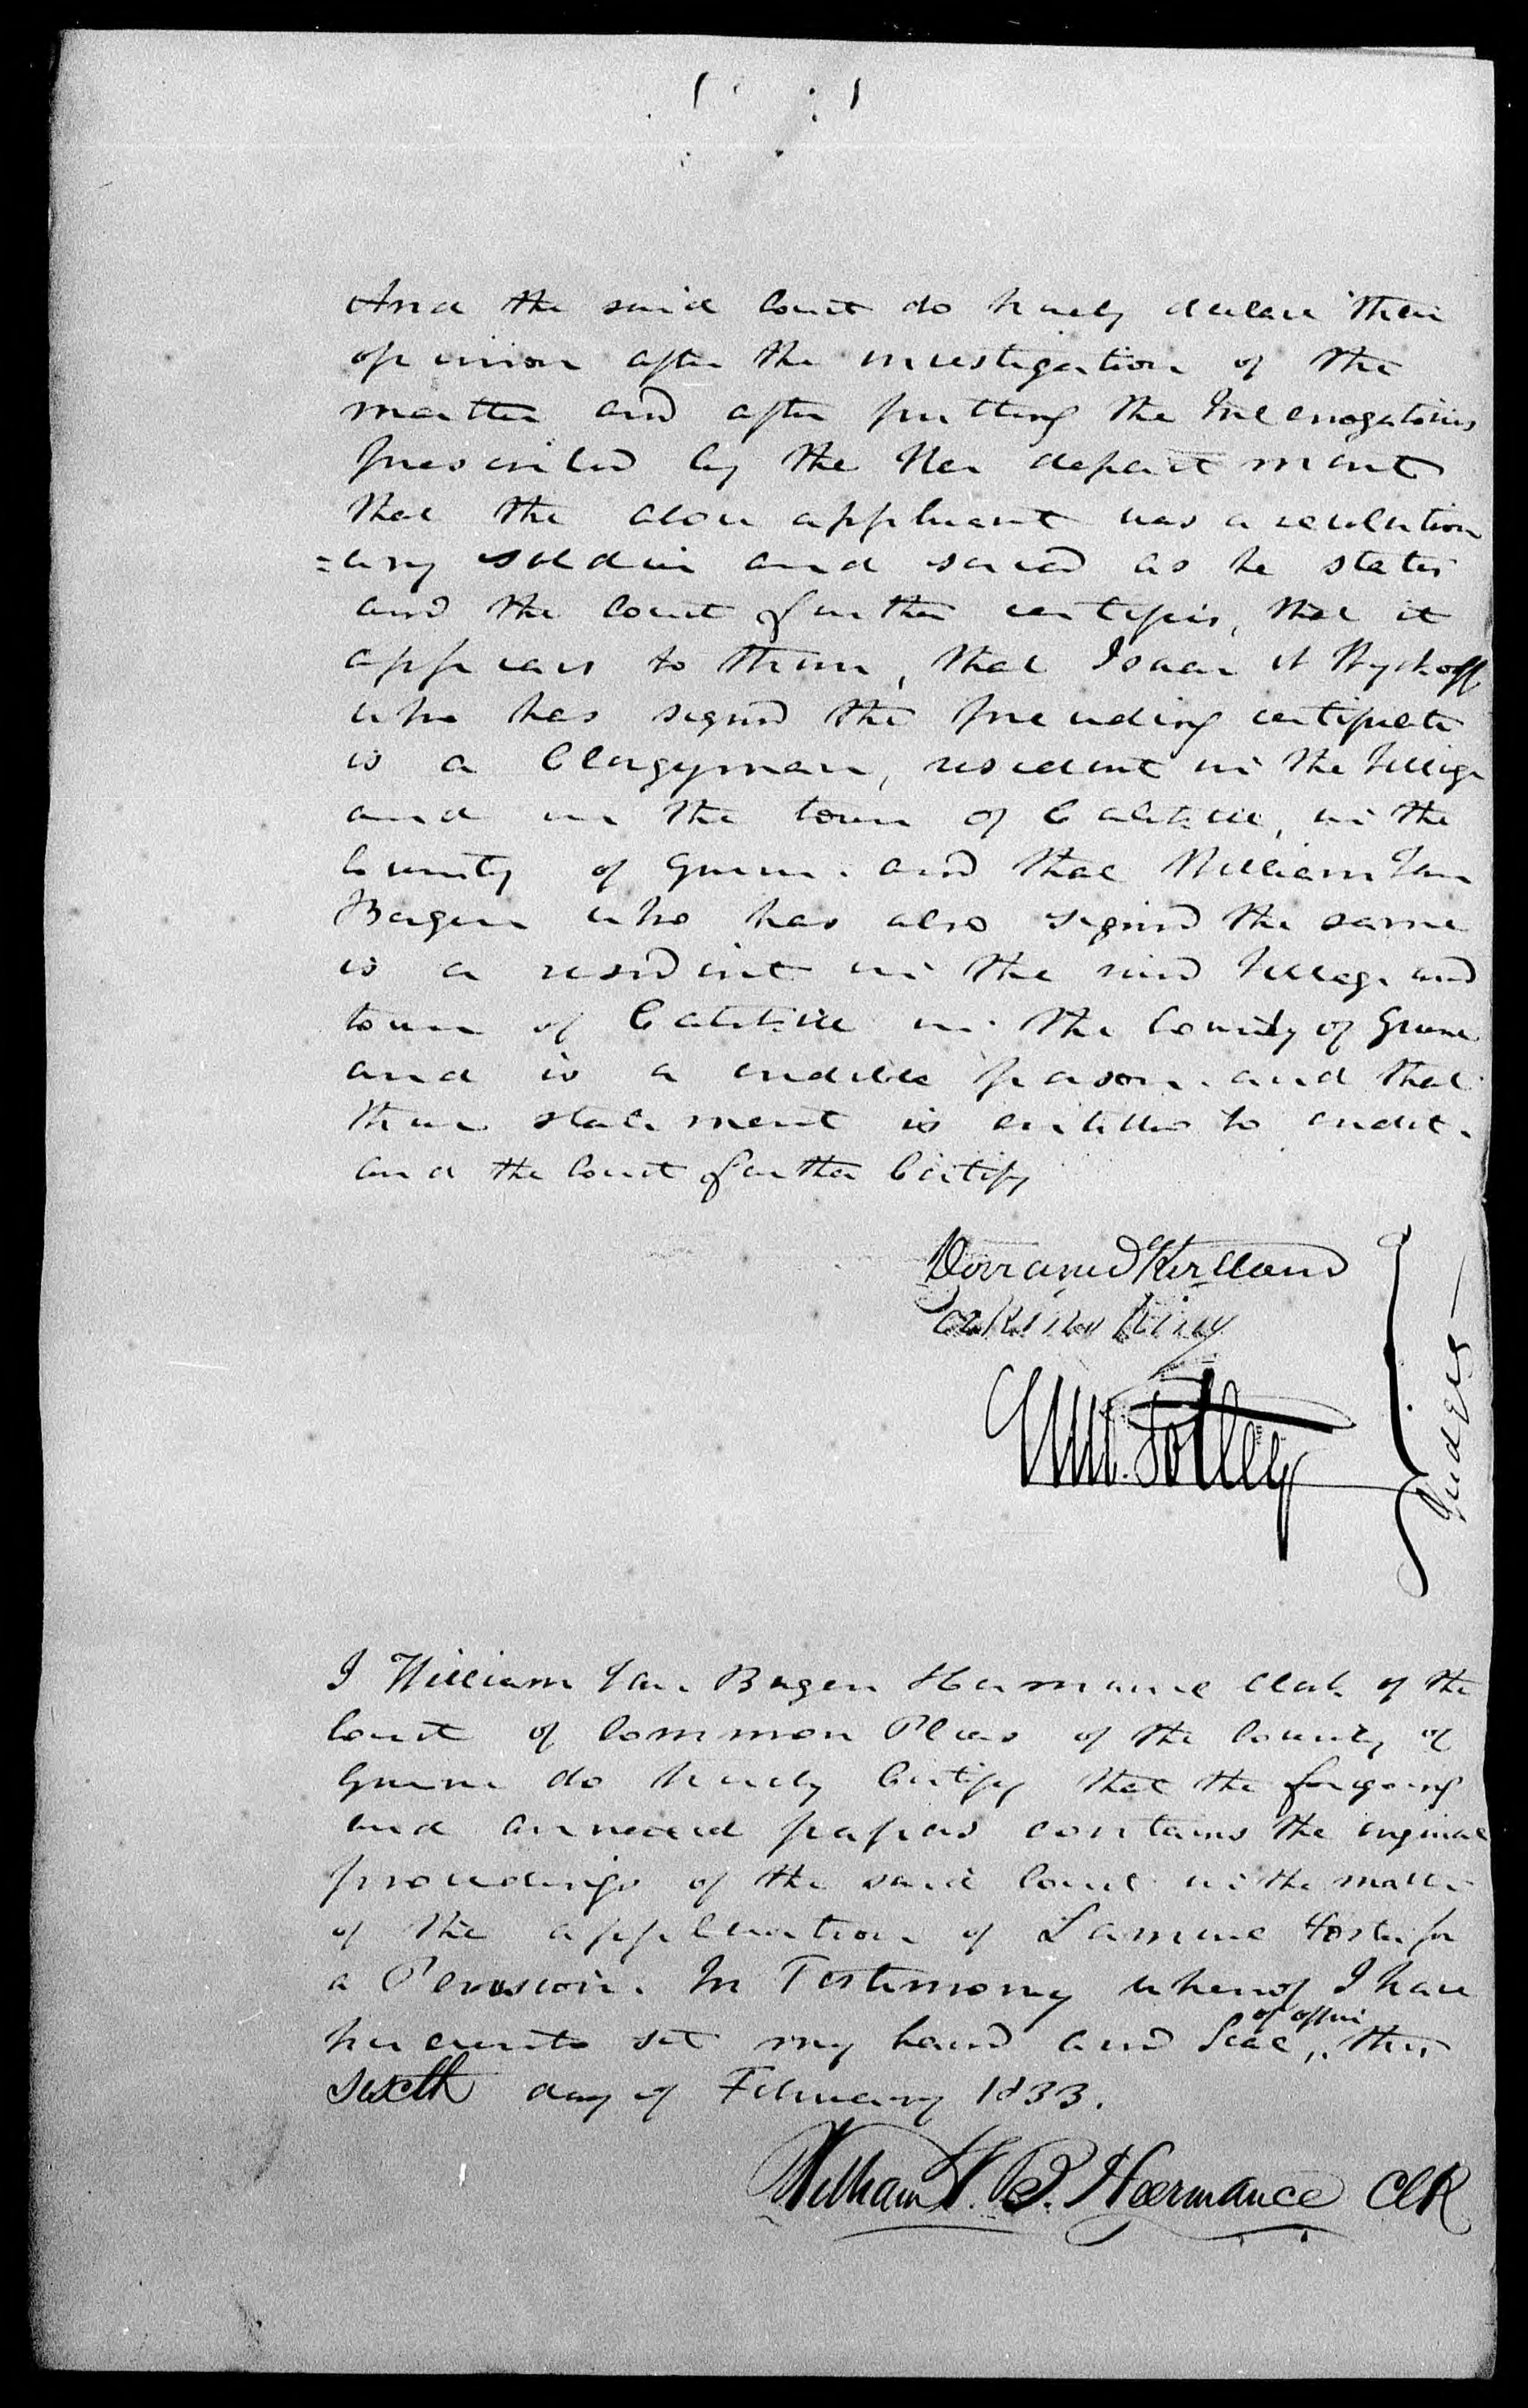And the said Court do hereby declare their opinion after the investigation of the matter and after putting the Interrogatories prescribed by the War department that the above applicant was a revoluion=ary soldier and said as he states and the Court further certifies that it appears to them, that Isaac N Wyckoff who has signed the preceding certificate is a clergyman, resident in the Village and in the town of Catskill, in the County of Greene and that William Van Bergen who has also signed the same is a resident in the said Village and town of Catskill in the County of Greene and is a credible person and that their statement is submitted to credit and the Court further certify
[signed] Dovianed Kertland
[illegible
[signed] Wm. Polley
[illegible handwritten notation and flourish vertically to the right of signatures]

I William Van Bergen Heermance  Clerk of the Court of Common Pleas of the County of Greene do hereby certify that the foregoing and annexed papers contains the original proceedings of the said Court in the matter of the application of Samuel Foster for a Pension. In Testimony whereof I have hereunto set my hand and Seal of office, this sixth day of February 1833.
[signed] William V. B. Heermance Clk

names: Wm Polley, William V B Heermance, Samuel Foster, Dovianed Kertland, Isaac N Wyckoff, William Van Bergen, William Van Bergen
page: 30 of 54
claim: survivor's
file: S. 13,043, Samuel Foster, Conn.